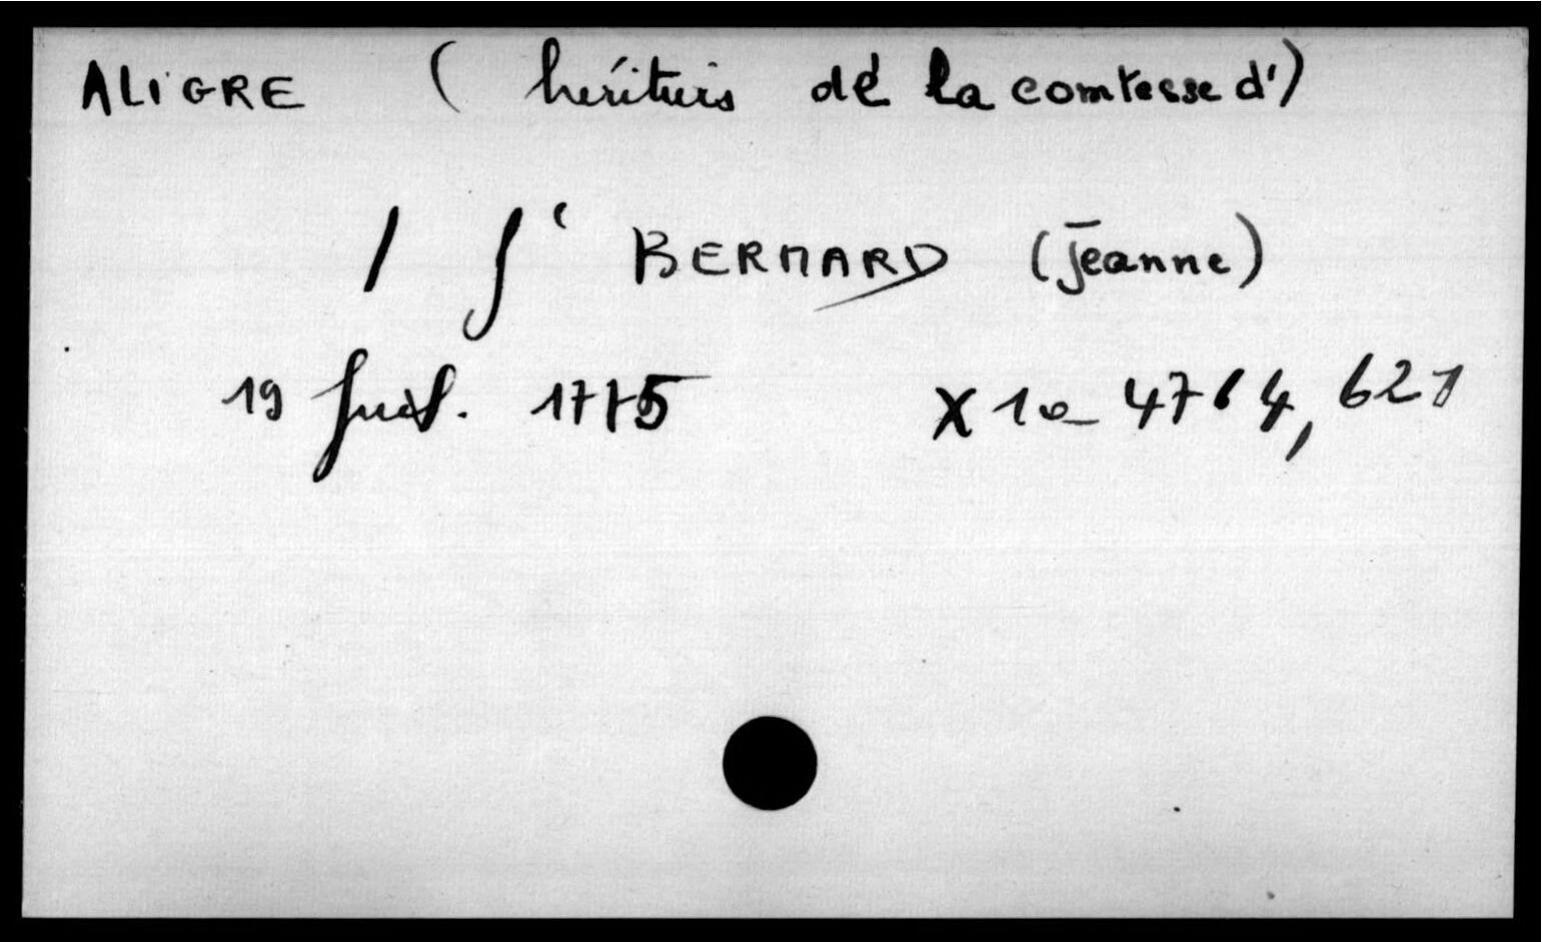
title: ALIGRE (héritiers de la comtesse d')
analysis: Contre sieur BERNARD (Jeanne)
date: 19 juillet 1775
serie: X1a
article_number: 4764
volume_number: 621
